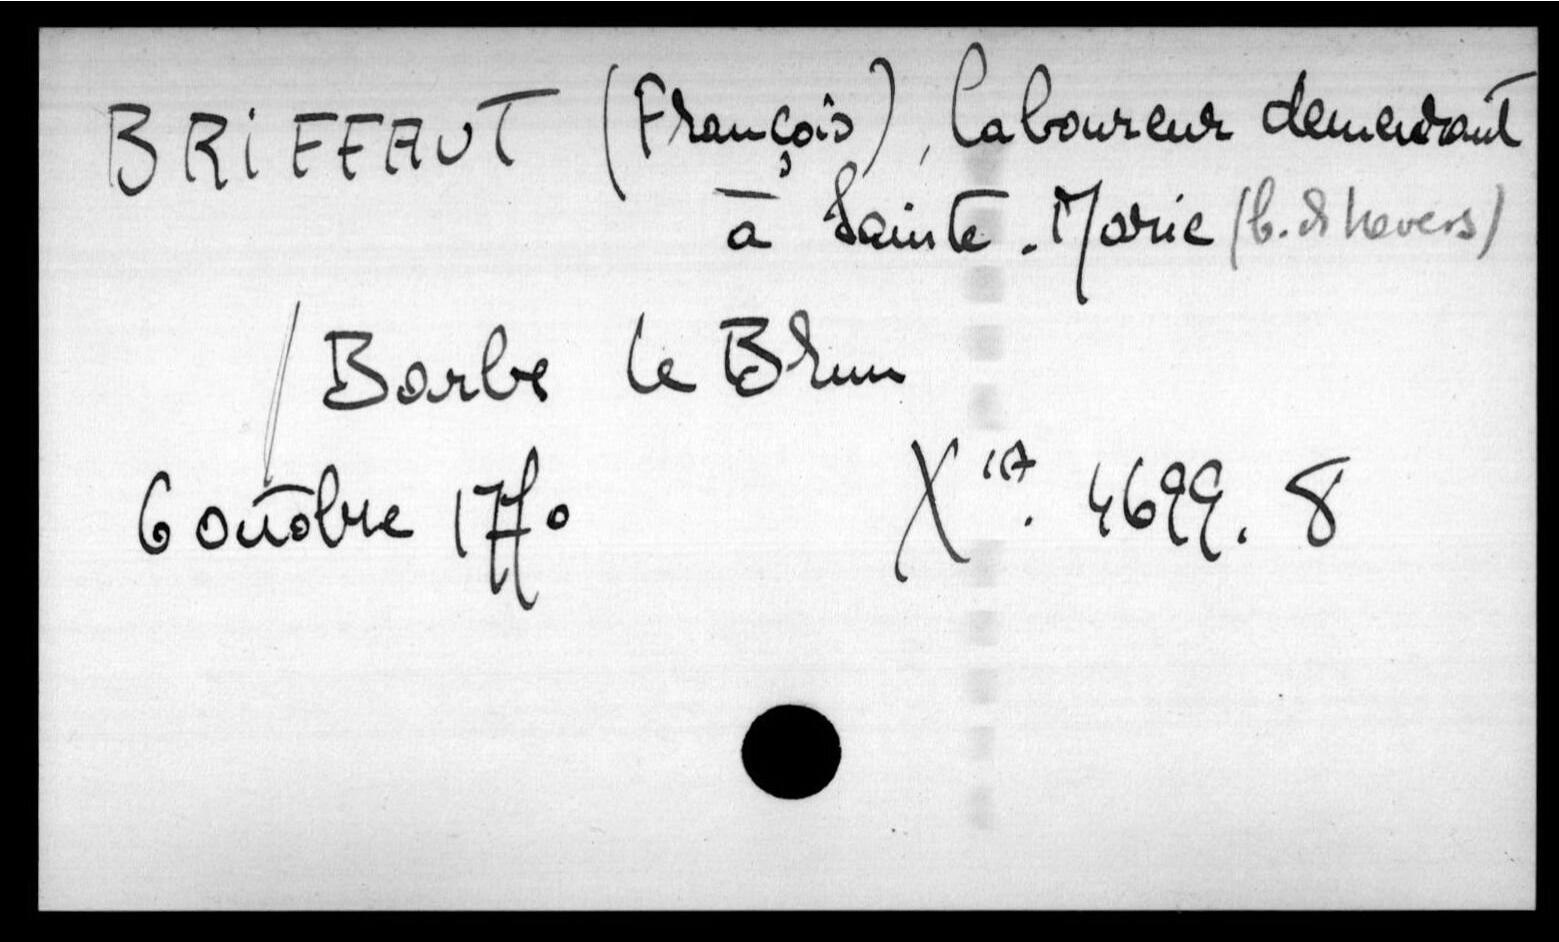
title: BRIFFAUT (François), laboureur demeurant à Sainte-Marie (bailliage de Nevers)
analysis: Contre Barbe Le Brun
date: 6 octobre 1770
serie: X1A
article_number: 4699
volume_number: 8
